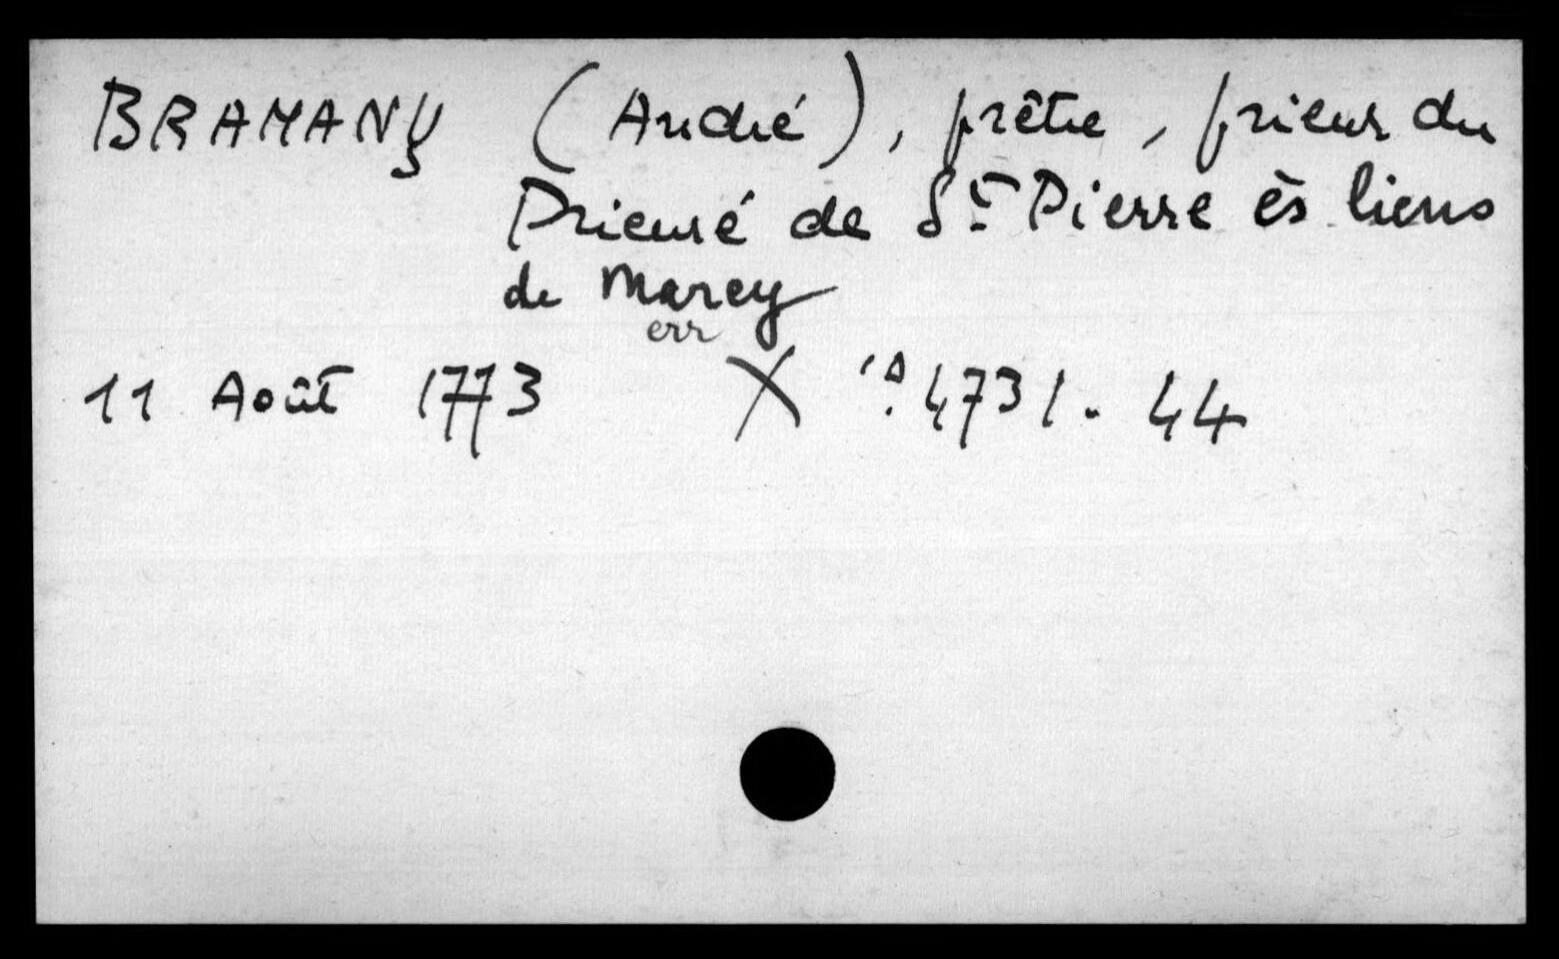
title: BRAMANY (André), prêtre, prieur du Prieuré de Saint-Pierre es lieus de Merrey
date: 11 août 1773
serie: X1A
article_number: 4731
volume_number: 44
